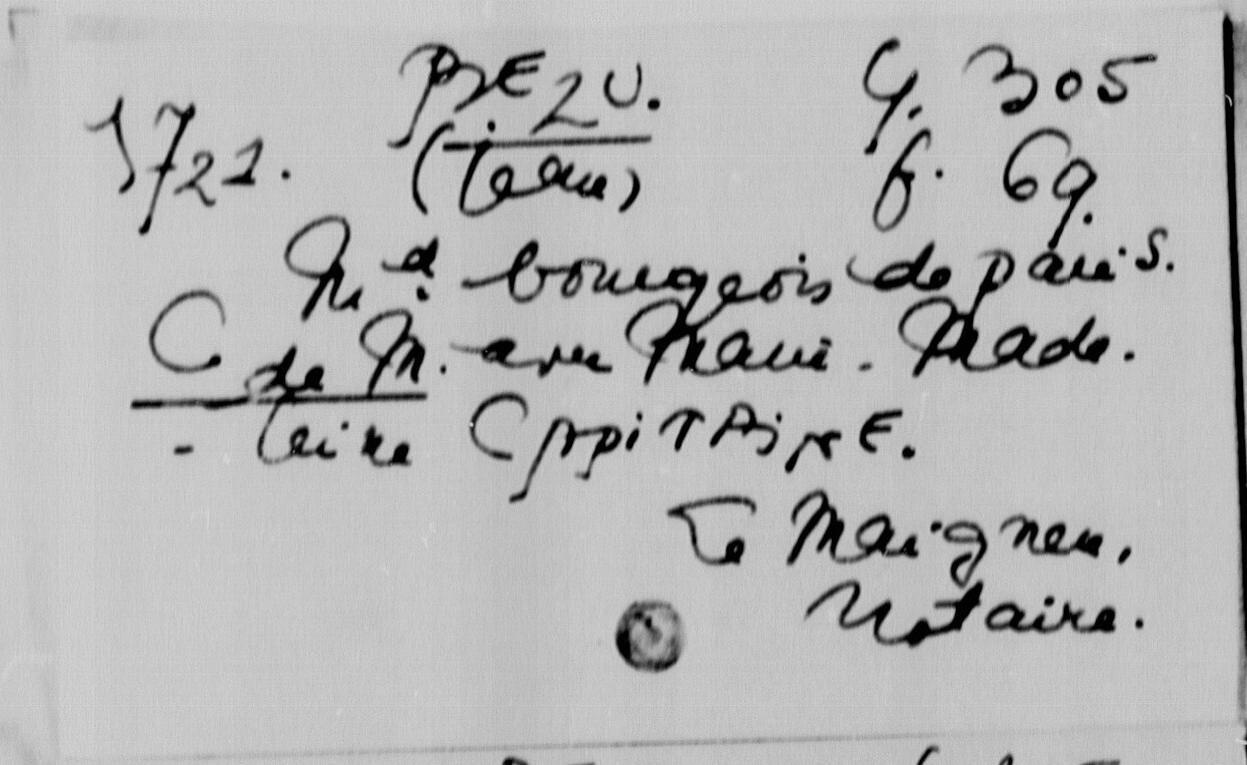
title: BELU (Jean)
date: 1721
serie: Y
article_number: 305
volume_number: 69
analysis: Marchand bourgeois de Paris. Contrat de mariage avec Marie-Madeleine CAPITAINE. Le Maigneu, notaire.
